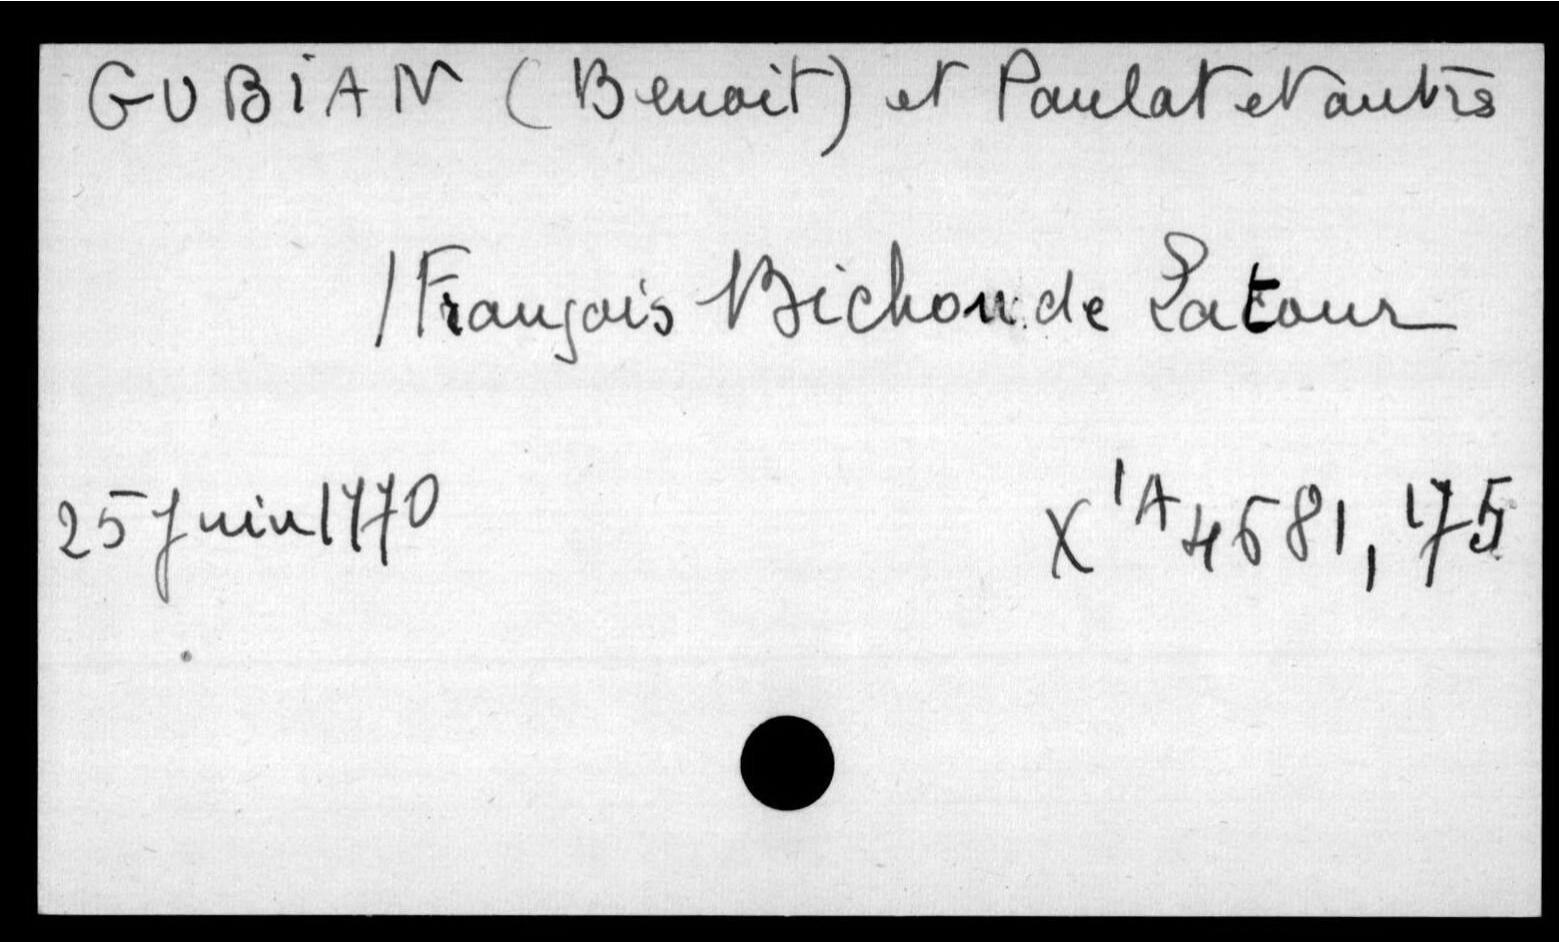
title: GUBIAN (Benoît) et Paulat et autres
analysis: Contre François Bichon de Latour
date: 25 juin 1770
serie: X1A
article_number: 4681
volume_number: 175
